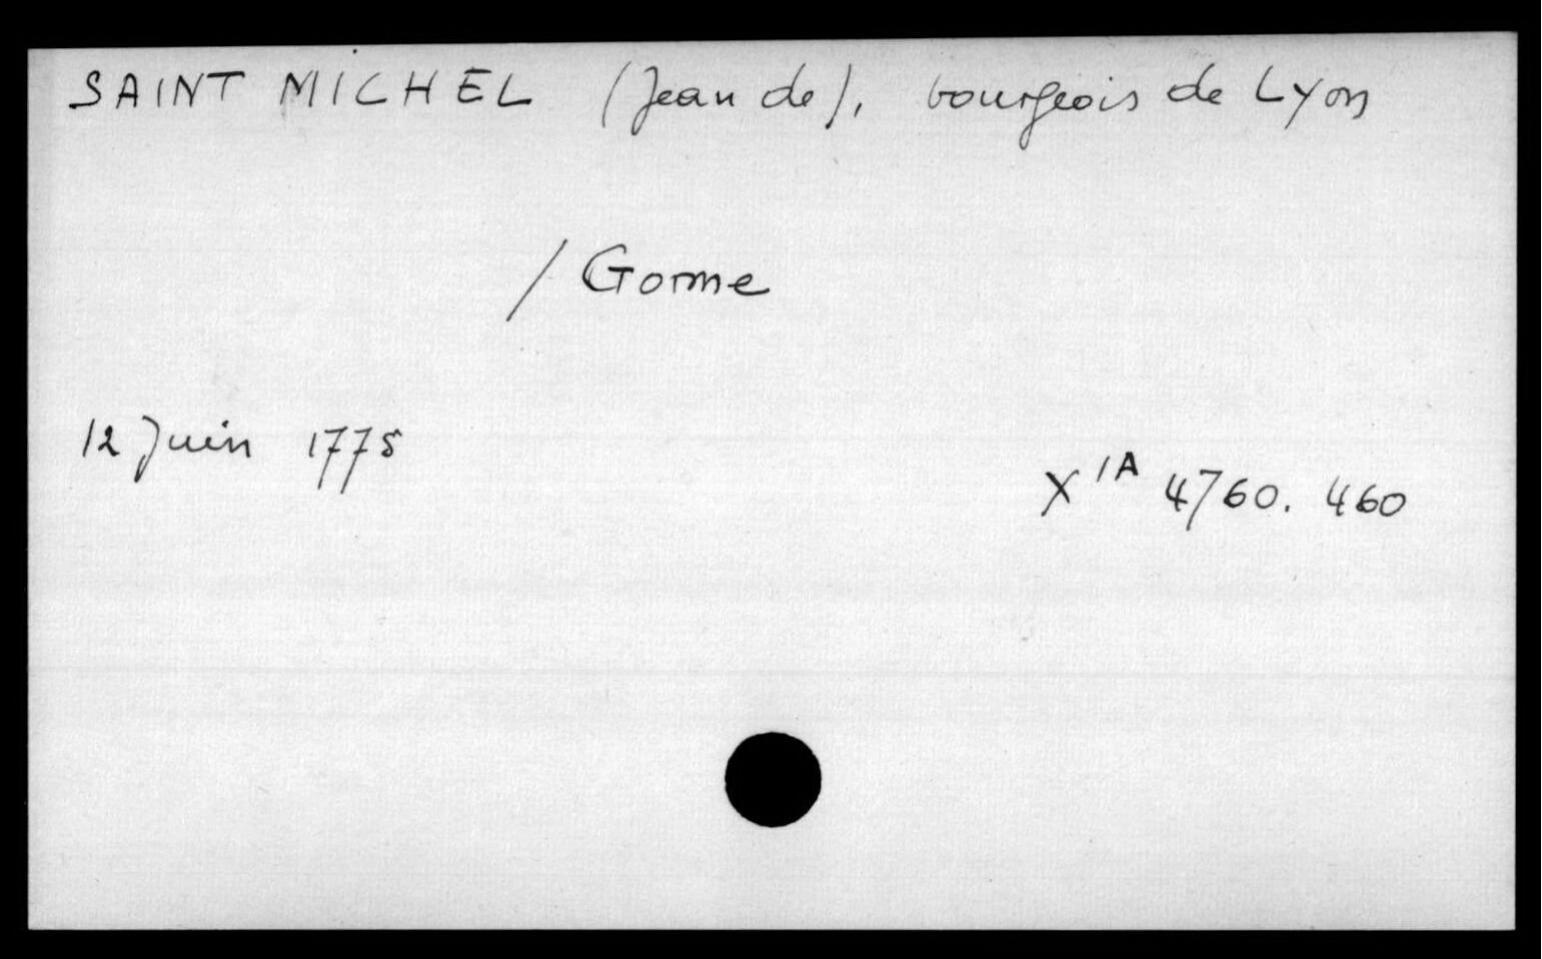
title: SAINT MICHEL (Jean de), bourgeois de Lyon
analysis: Contre Gome
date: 12 juin 1775
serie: X1A
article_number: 4760
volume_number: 460
